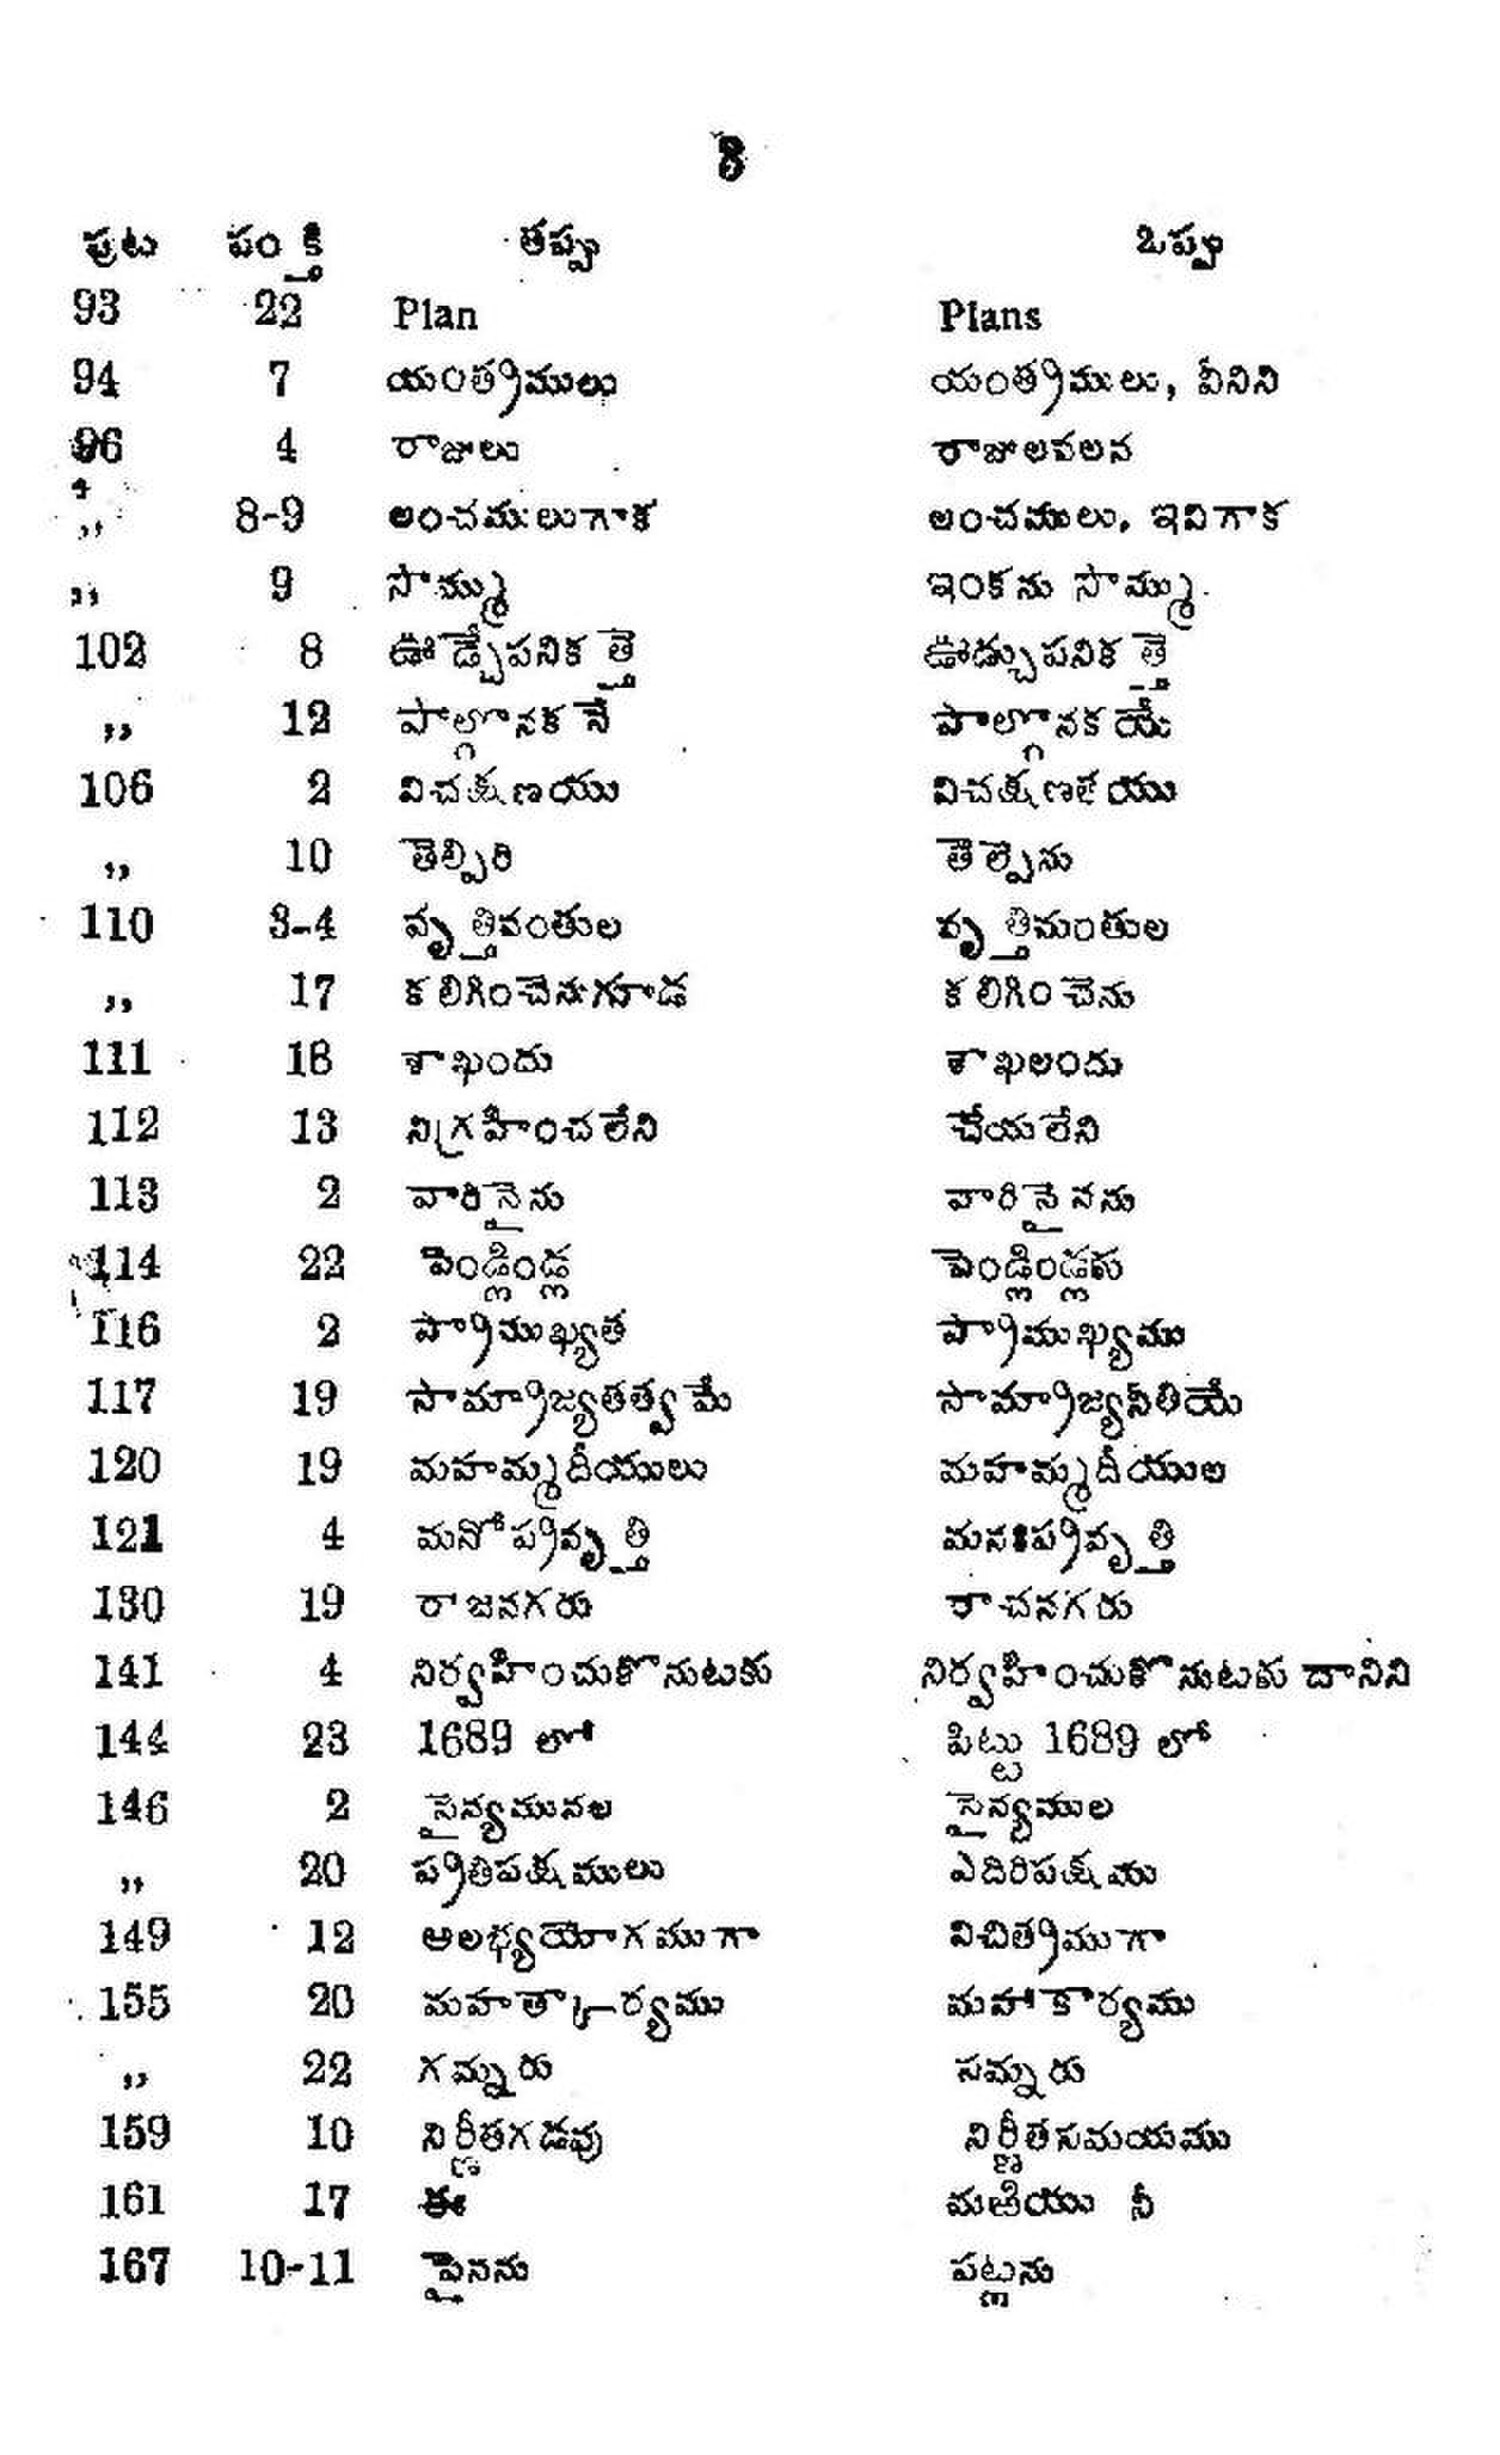పుట పంక్తి తప్పు ఒప్పు 93 22 Plan Plans 94 7 యంత్రములు యంత్రములు, వీనిని 96 4 రాజులు రాజులవలన 96 8-9 లంచములుగాక లంచములు, ఇవిగాక 96 9 సొమ్ము ఇంకను సొమ్ము 102 8 ఊడ్చేపనికత్తె ఊడ్చుపనికత్తె 102 12 పాల్గొనకనే పాల్గొనకయే 106 2 విచక్షణయు విచక్షణతయు 106 10 తెల్పిరి తెల్పెను 110 3-4 వృత్తివంతుల వృత్తిమంతుల 110 17 కలిగించెనుగూడ కలిగించెను 111 18 శాఖందు శాఖలందు 112 13 నిగ్రహించలేని చేయలేని 113 2 వారినైను వారినైనను 114 22 పెండ్లిండ్ల పెండ్లిండ్లకు 116 2 ప్రాముఖ్యత ప్రాముఖ్యము 117 19 సామ్రాజ్యతత్వమే సామ్రాజ్యనీతియే 120 19 మహమ్మదీయులు మహమ్మదీయుల 121 4 మనోప్రవృత్తి మనఃప్రవృత్తి 130 19 రాజనగరు రాచనగరు 141 4 నిర్వహించుకొనుటకు నిర్వహించుకొనుటకు దానిని 144 23 1689 లో పిట్టు 1689 లో 146 2 సైన్యమునల సైన్యముల 146 20 ప్రతిపక్షములు ఎదిరిపక్షము 149 12 అలభ్యయోగముగా విచిత్రముగా 155 20 మహత్కార్యము మహాకార్యము 155 22 గమ్నరు సమ్నరు 159 10 నిర్ణీతగడవు నిర్ణీతసమయము 161 17 ఈ మఱియు నీ 167 10-11 పైనను పట్లను